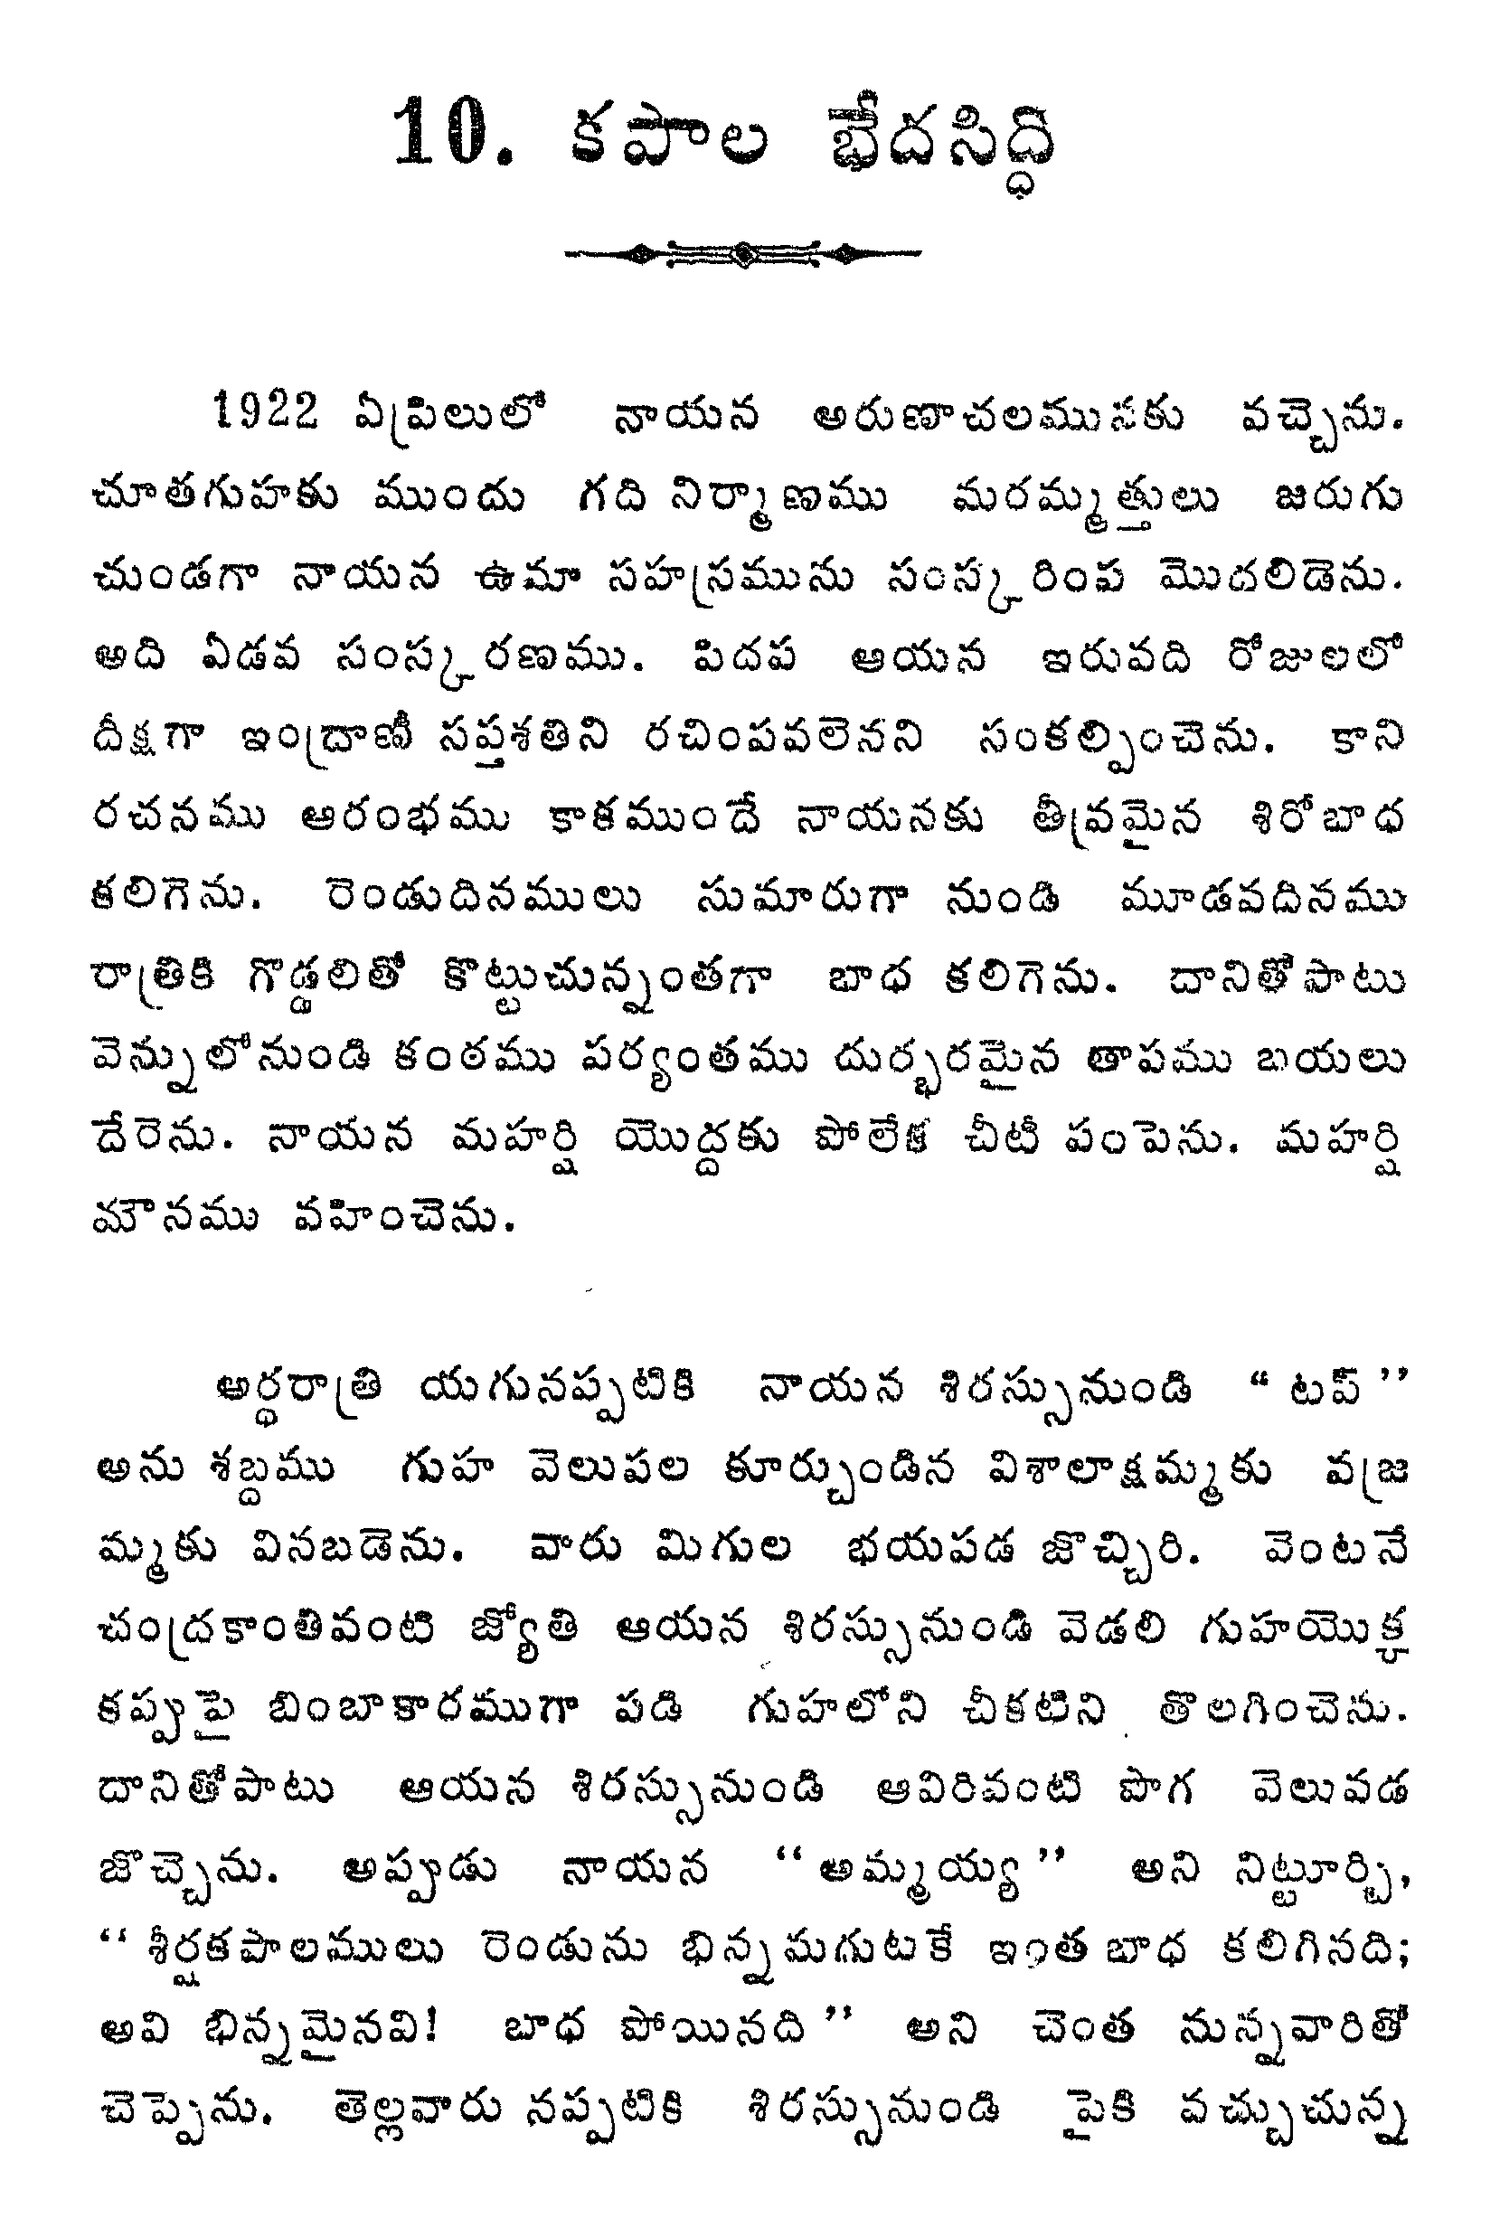1922 ఏప్రిలులో నాయన అరుణాచలమునకు వచ్చెను. చూతగుహకు ముందు గది నిర్మాణము మరమ్మత్తులు జరుగుచుండగా నాయన ఉమా సహస్రమును సంస్కరింప మొదలిడెను. అది ఏడవ సంస్కరణము. పిదప ఆయన ఇరువది రోజులలో దీక్షగా ఇంద్రాణి సప్తశతిని రచింపవలెనని సంకల్పించెను. కాని రచనము ఆరంభము కాకముందే నాయనకు తీవ్రమైన శిరోబాధ కలిగెను. రెండుదినములు సుమారుగా నుండి మూడవదినము రాత్రికి గొడ్డలితో కొట్టుచున్నంతగా బాధ కలిగెను. దానితోపాటు వెన్నులోనుండి కంఠము పర్యంతము దుర్భరమైన తాపము బయలుదేరెను. నాయన మహర్షి యొద్దకు పోలేక చీటి పంపెను. మహర్షి మౌనము వహించెను.

అర్ధరాత్రి యగునప్పటికి నాయన శిరస్సునుండి "టప్" అను శబ్దము గుహ వెలుపల కూర్చుండిన విశాలాక్షమ్మకు వజ్రమ్మకు వినబడెను. వారు మిగుల భయపడ జొచ్చిరి. వెంటనే చంద్రకాంతివంటి జ్యోతి ఆయన శిరస్సు నుండి వెడలి గుహయొక్క కప్పుపై బింబాకారముగా పడి గుహలోని చీకటిని తొలగించెను. దానితోపాటు ఆయన శిరస్సునుండి ఆవిరివంటి పొగ వెలువడ జొచ్చెను. అప్పుడు నాయన "అమ్మయ్య" అని నిట్టూర్చి, "శీర్షకపాలములు రెండును భిన్నమగుటకే ఇంత బాధ కలిగినది; అవి భిన్నమైనవి! బాధ పోయినది" అని చెంత నున్నవారితో చెప్పెను. తెల్లవారు నప్పటికి శిరస్సునుండి పైకి వచ్చుచున్న